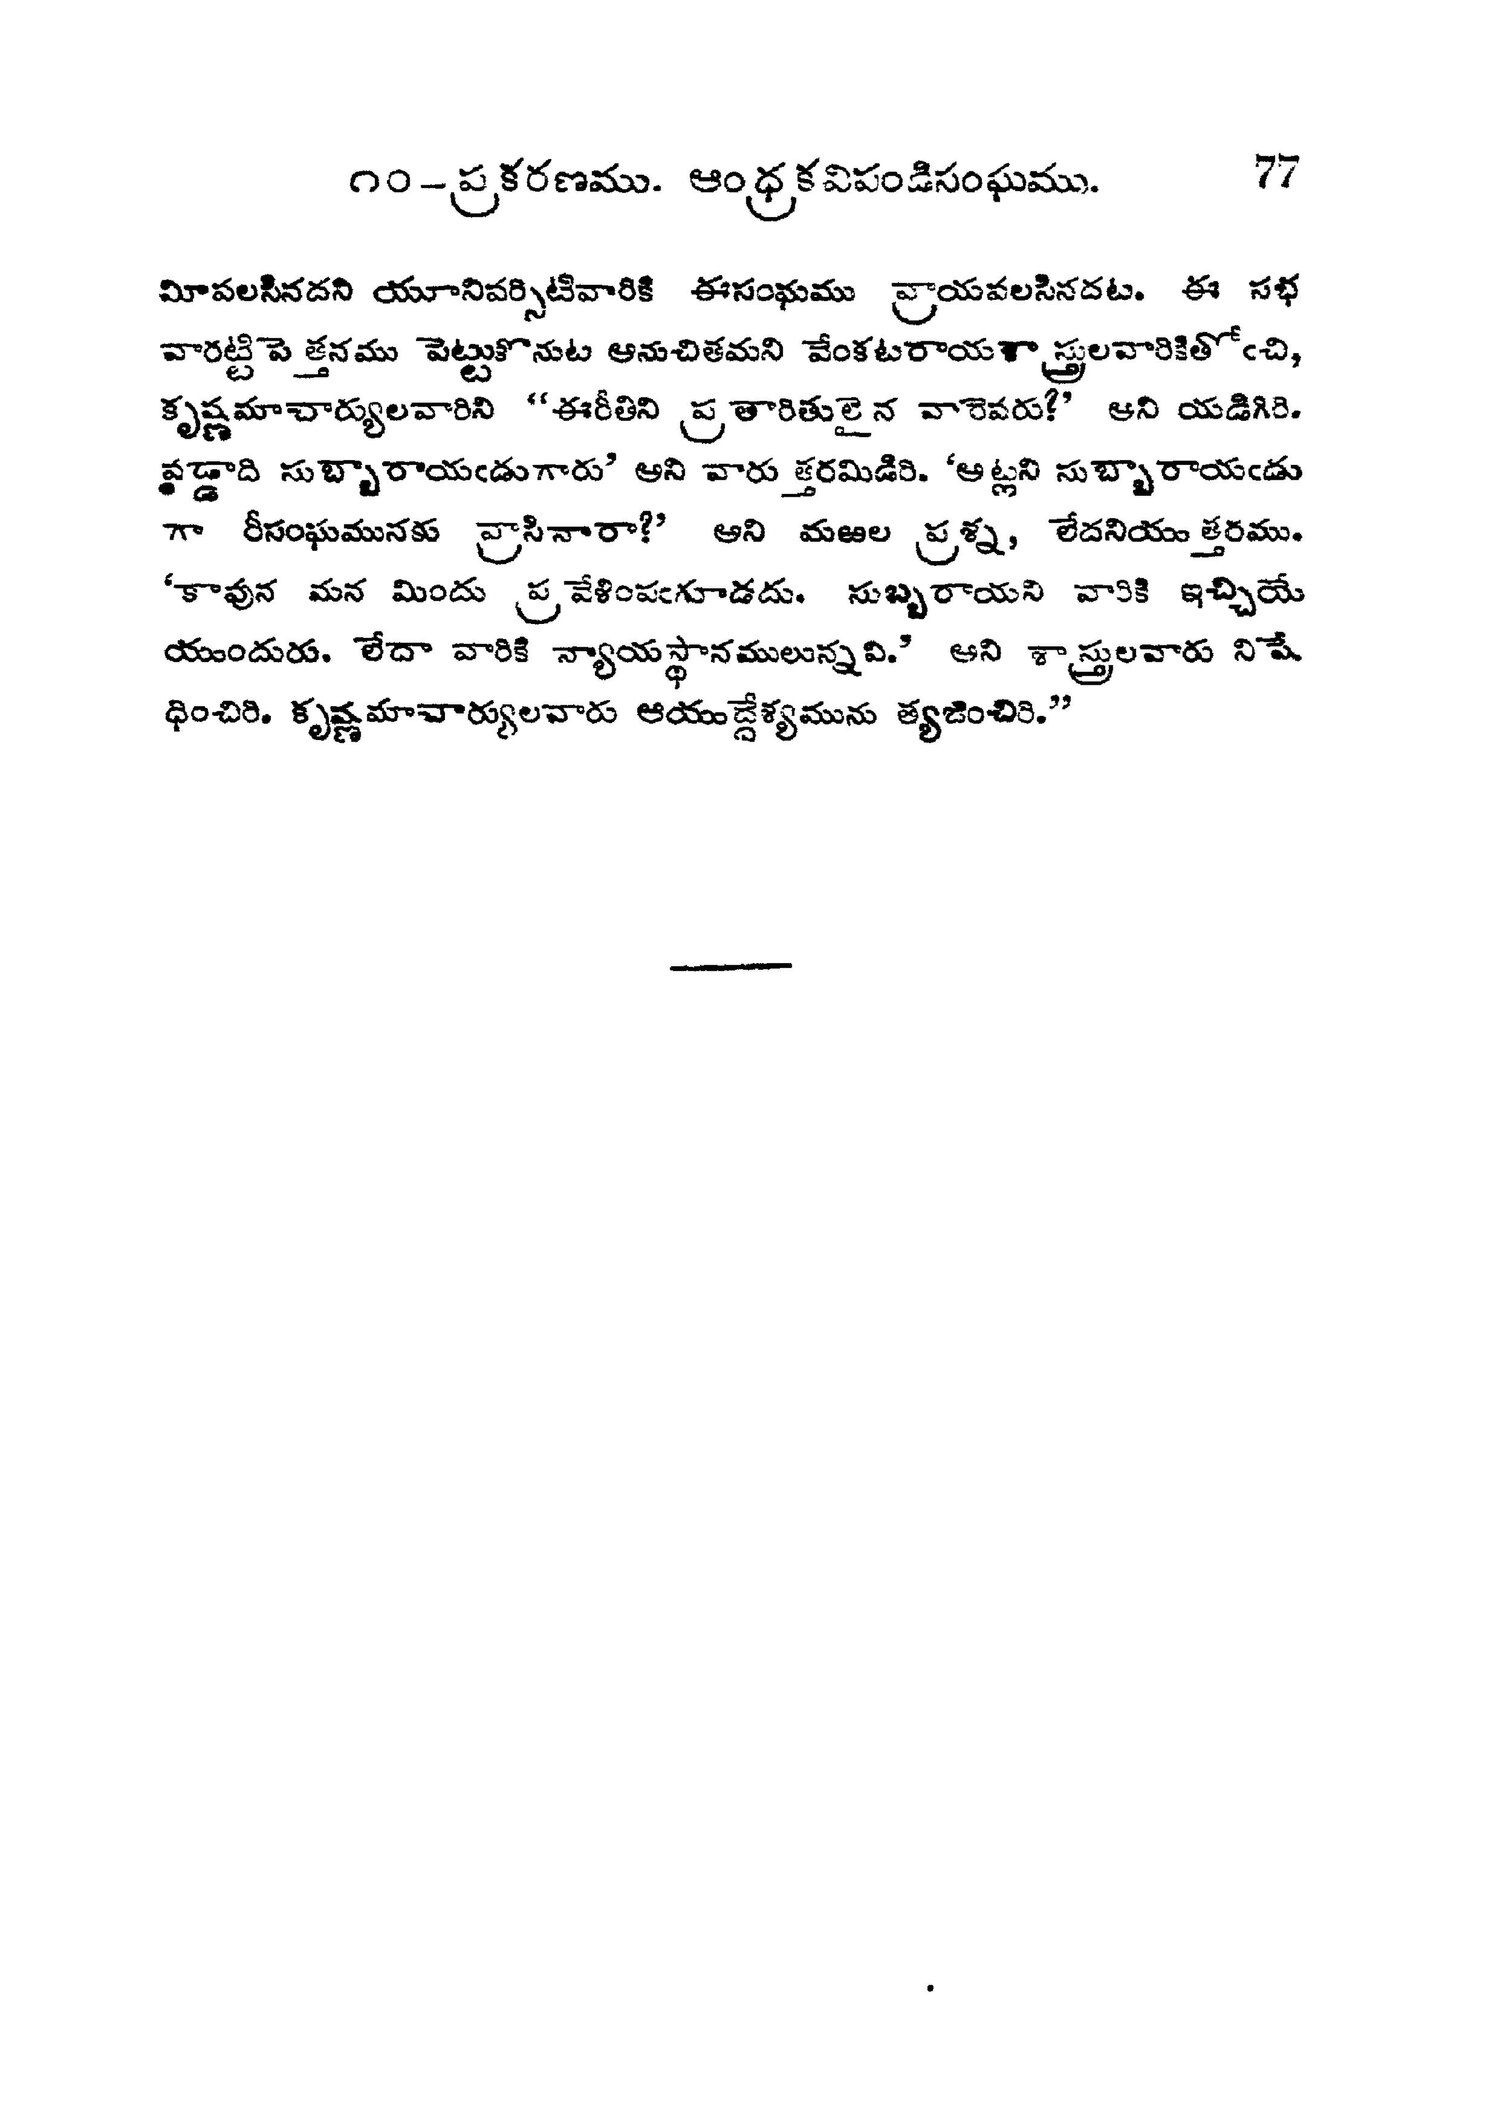మీవలసినదని యూనివర్సిటివారికి ఈసంఘము వ్రాయవలసినదట. ఈ సభ వారట్టిపెత్తనము పెట్టుకొనుట అనుచితమని వేంకటరాయశాస్త్రులవారికితోచి, కృష్ణమాచార్యులవారిని "ఈరీతిని ప్రతారితులైన వారెవరు?' అని యడిగిరి. వడ్డాది సుబ్బారాయడుగారు' అని వారుత్తరమిడిరి. 'అట్లని సుబ్బారాయడుగా రీసంఘమునకు వ్రాసినారా?' అని మఱల ప్రశ్న, లేదనియుత్తరము. 'కావున మన మిందు ప్రవేశింపగూడదు. సుబ్బరాయని వారికి ఇచ్చియే యుందురు. లేదా వారికి న్యాయస్థానములున్నవి.' అని శాస్త్రులవారు నిషేధించిరి. కృష్ణమాచార్యులవారు ఆయుద్దేశ్యమును త్యజించిరి."

____________